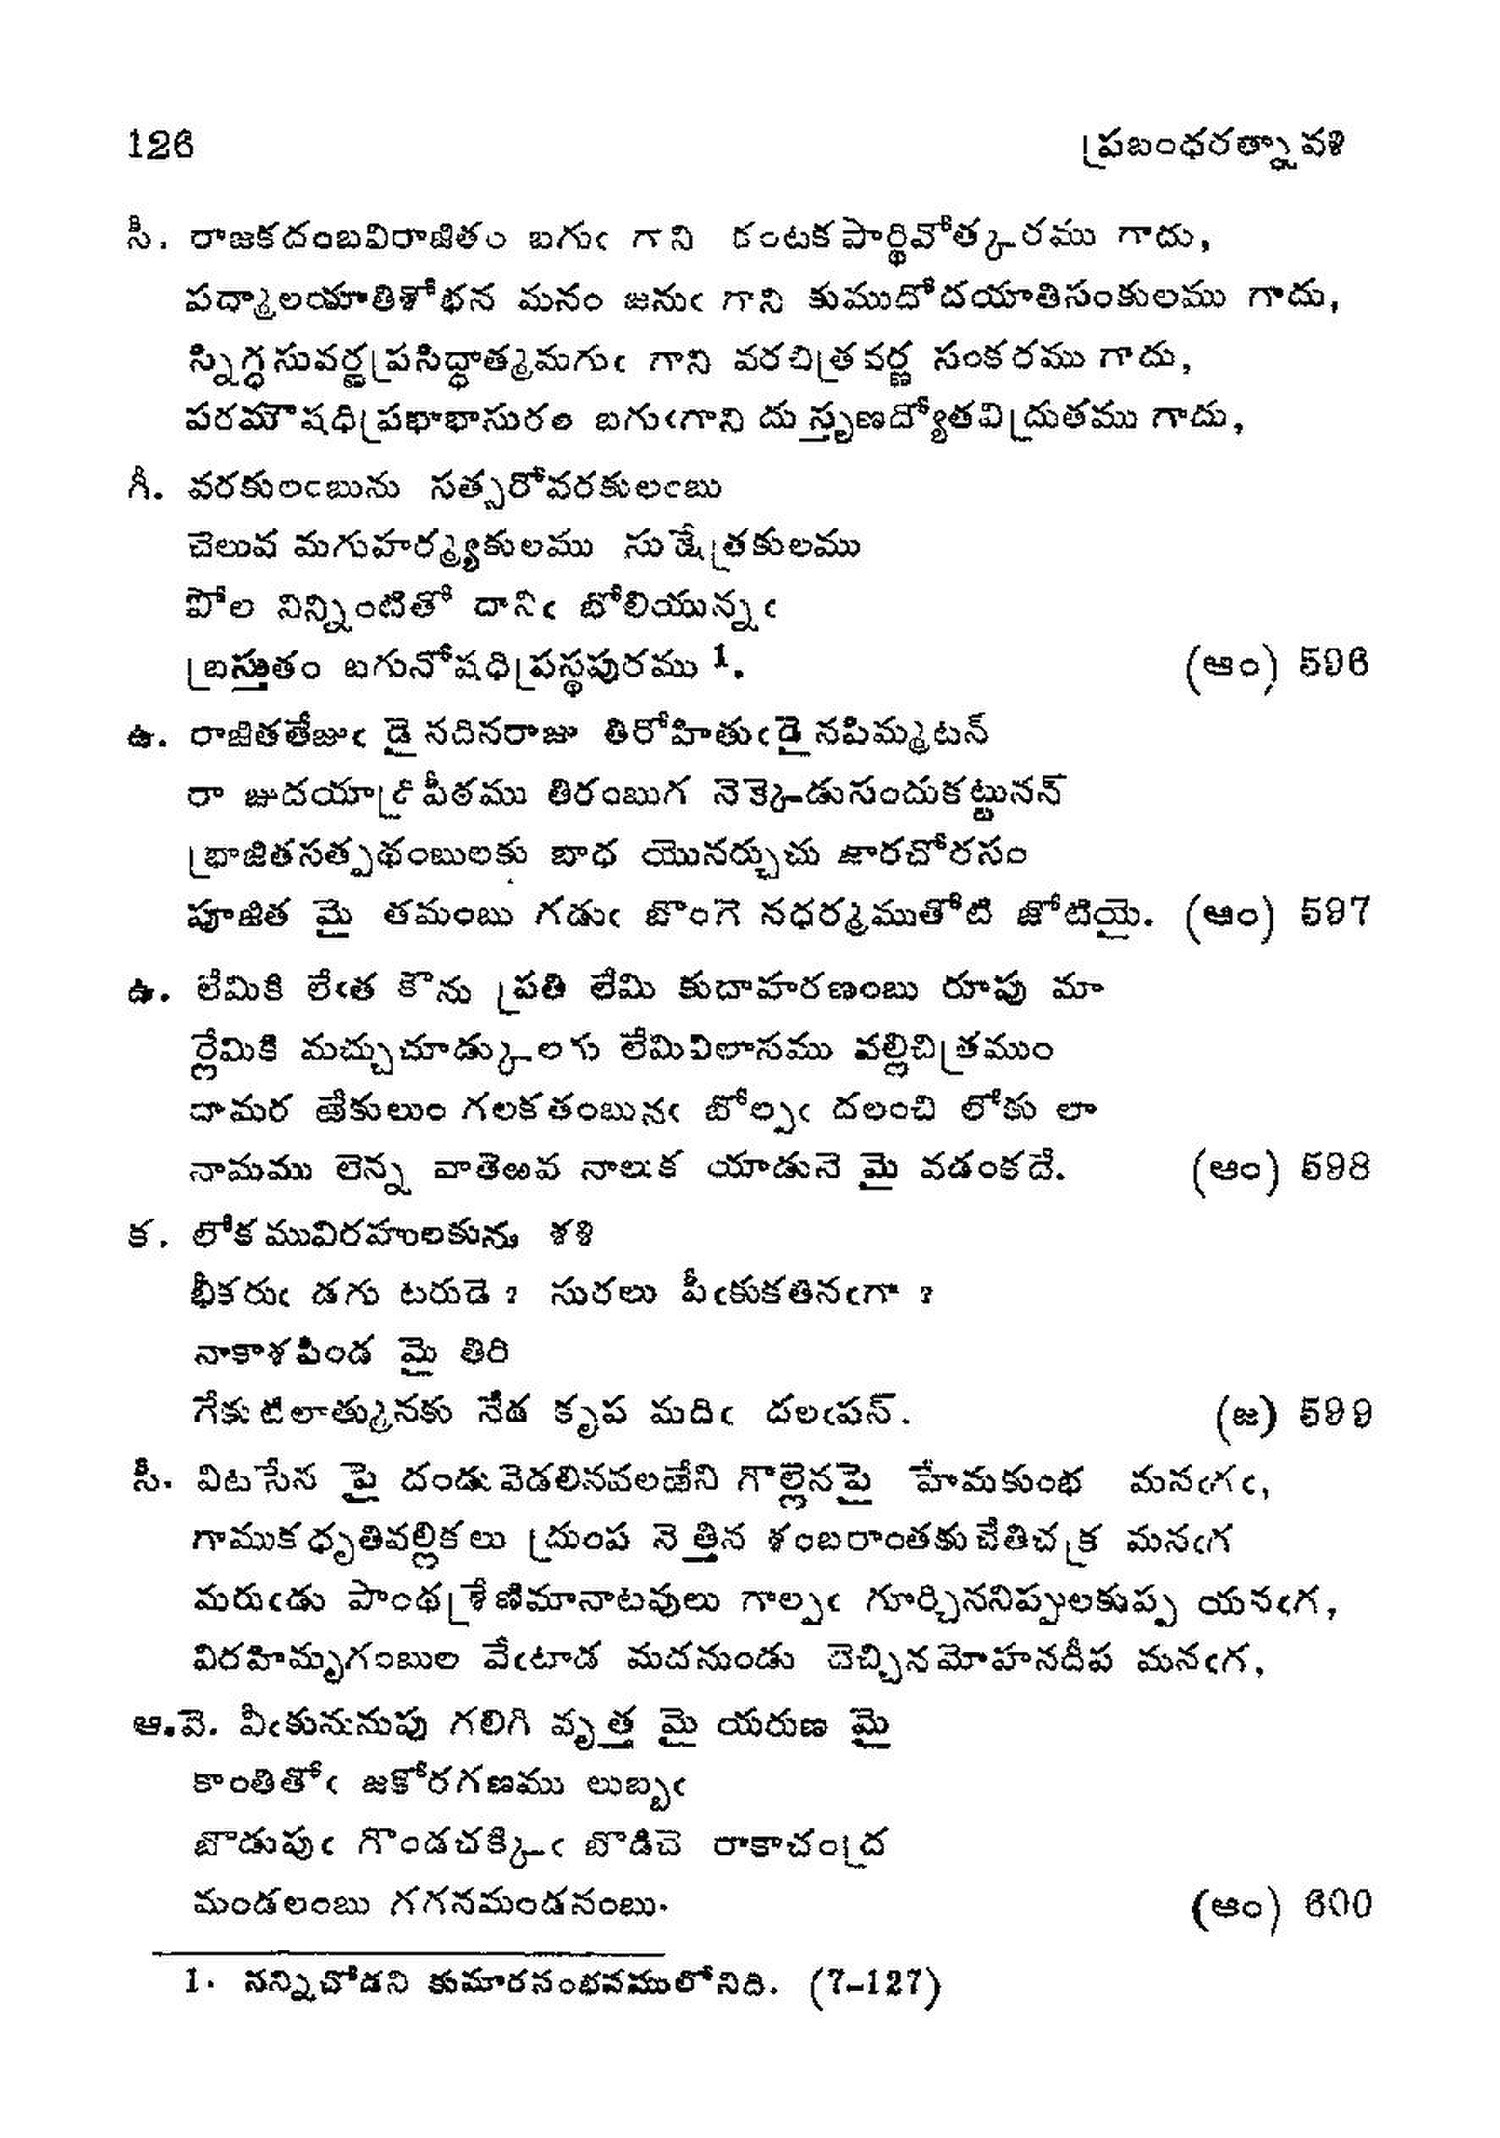సీ. రాజకదంబవిరాజితంబగుఁ గాని కంటకపార్థివోత్కరము గాదు,
పద్మాలయాతిశోభన మనం జనుఁ గాని కుముదోదయాతి సంకులము గాదు,
స్నిగ్ధసువర్ణప్రసిద్ధాత్మమగుఁ గాని పరచిత్రవర్ణసంకరము గాదు,
పరమౌషధిప్రభాభాసురంబగుఁగాని దుస్తృణద్యోతవిద్రుతము గాదు,
గీ. వరకులంబును సత్సరోవరకులంబు
చెలువమగు హర్మ్యకులము సుక్షేత్రకులము
పోల నిన్నింటితో దానిఁ బోలియున్నఁ
బ్రస్తుతంబగు నోషధిప్రస్థపురము. (ఆం) 596

ఉ. రాజితతేజుఁ డైన దినరాజు తిరోహితుఁడైన పిమ్మటన్
రాజు దయాద్రిపీఠము తిరంబుగ నెక్కెడు సందుకట్టునన్
భ్రాజితసత్పథంబులకు బాధ యొనర్చుచు జారచోరసం
పూజితమై తమంబు గడుఁబొంగె నధర్మముతోటి జోటియై. (ఆం) 597

ఉ. లేమికి లేఁత కౌను, ప్రతి లేమి కుదాహరణంబు రూపు, మా
ర్లేమికి మచ్చుచూడ్కులగు లేమివిలాసము వల్లిచిత్రముం
దామరఱేకులుం గల కతంబునఁ బోల్పఁదలంచి లోకు లా
నామములెన్నవాతెఱవ నాలుక యాడునె మై వడంకదే. (ఆం) 598

క. లోకము విరహులకును శశి
భీకరుఁ డగుటరుదె? సురలు పీఁకుకతినఁగా?
నాకాశపిండమై తిరి
గే కుటిలాత్మునకు నేడ కృప మదిఁ దలఁపన్. (జ) 599

సీ. విటసేనపై దండువెడలిన వలఱేని గొల్లెనపై హేమకుంభ మనఁగఁ
గాముకధృతివల్లికలు ద్రుంప నెత్తిన శంబరాంతకుచేతి చక్ర మనఁగ
మరుఁడు పాంథశ్రేణి మానాటవులు గాల్పఁ గూర్పిన నిప్పులకుప్ప యనఁగ
విరహిమృగంబుల వేఁటాడ మదనుండు దెచ్చిన మోహనదీప మనఁగ
ఆ. వీఁకునునుపు గలిగి వృత్తమై యరుణమై
కాంతితోఁ జకోరగణము లుబ్బఁ
బొడుపుఁగొండ చక్కిఁబొడిచె రాకాచంద్ర
మండలంబు గగనమండనంబు. (ఆం) 600